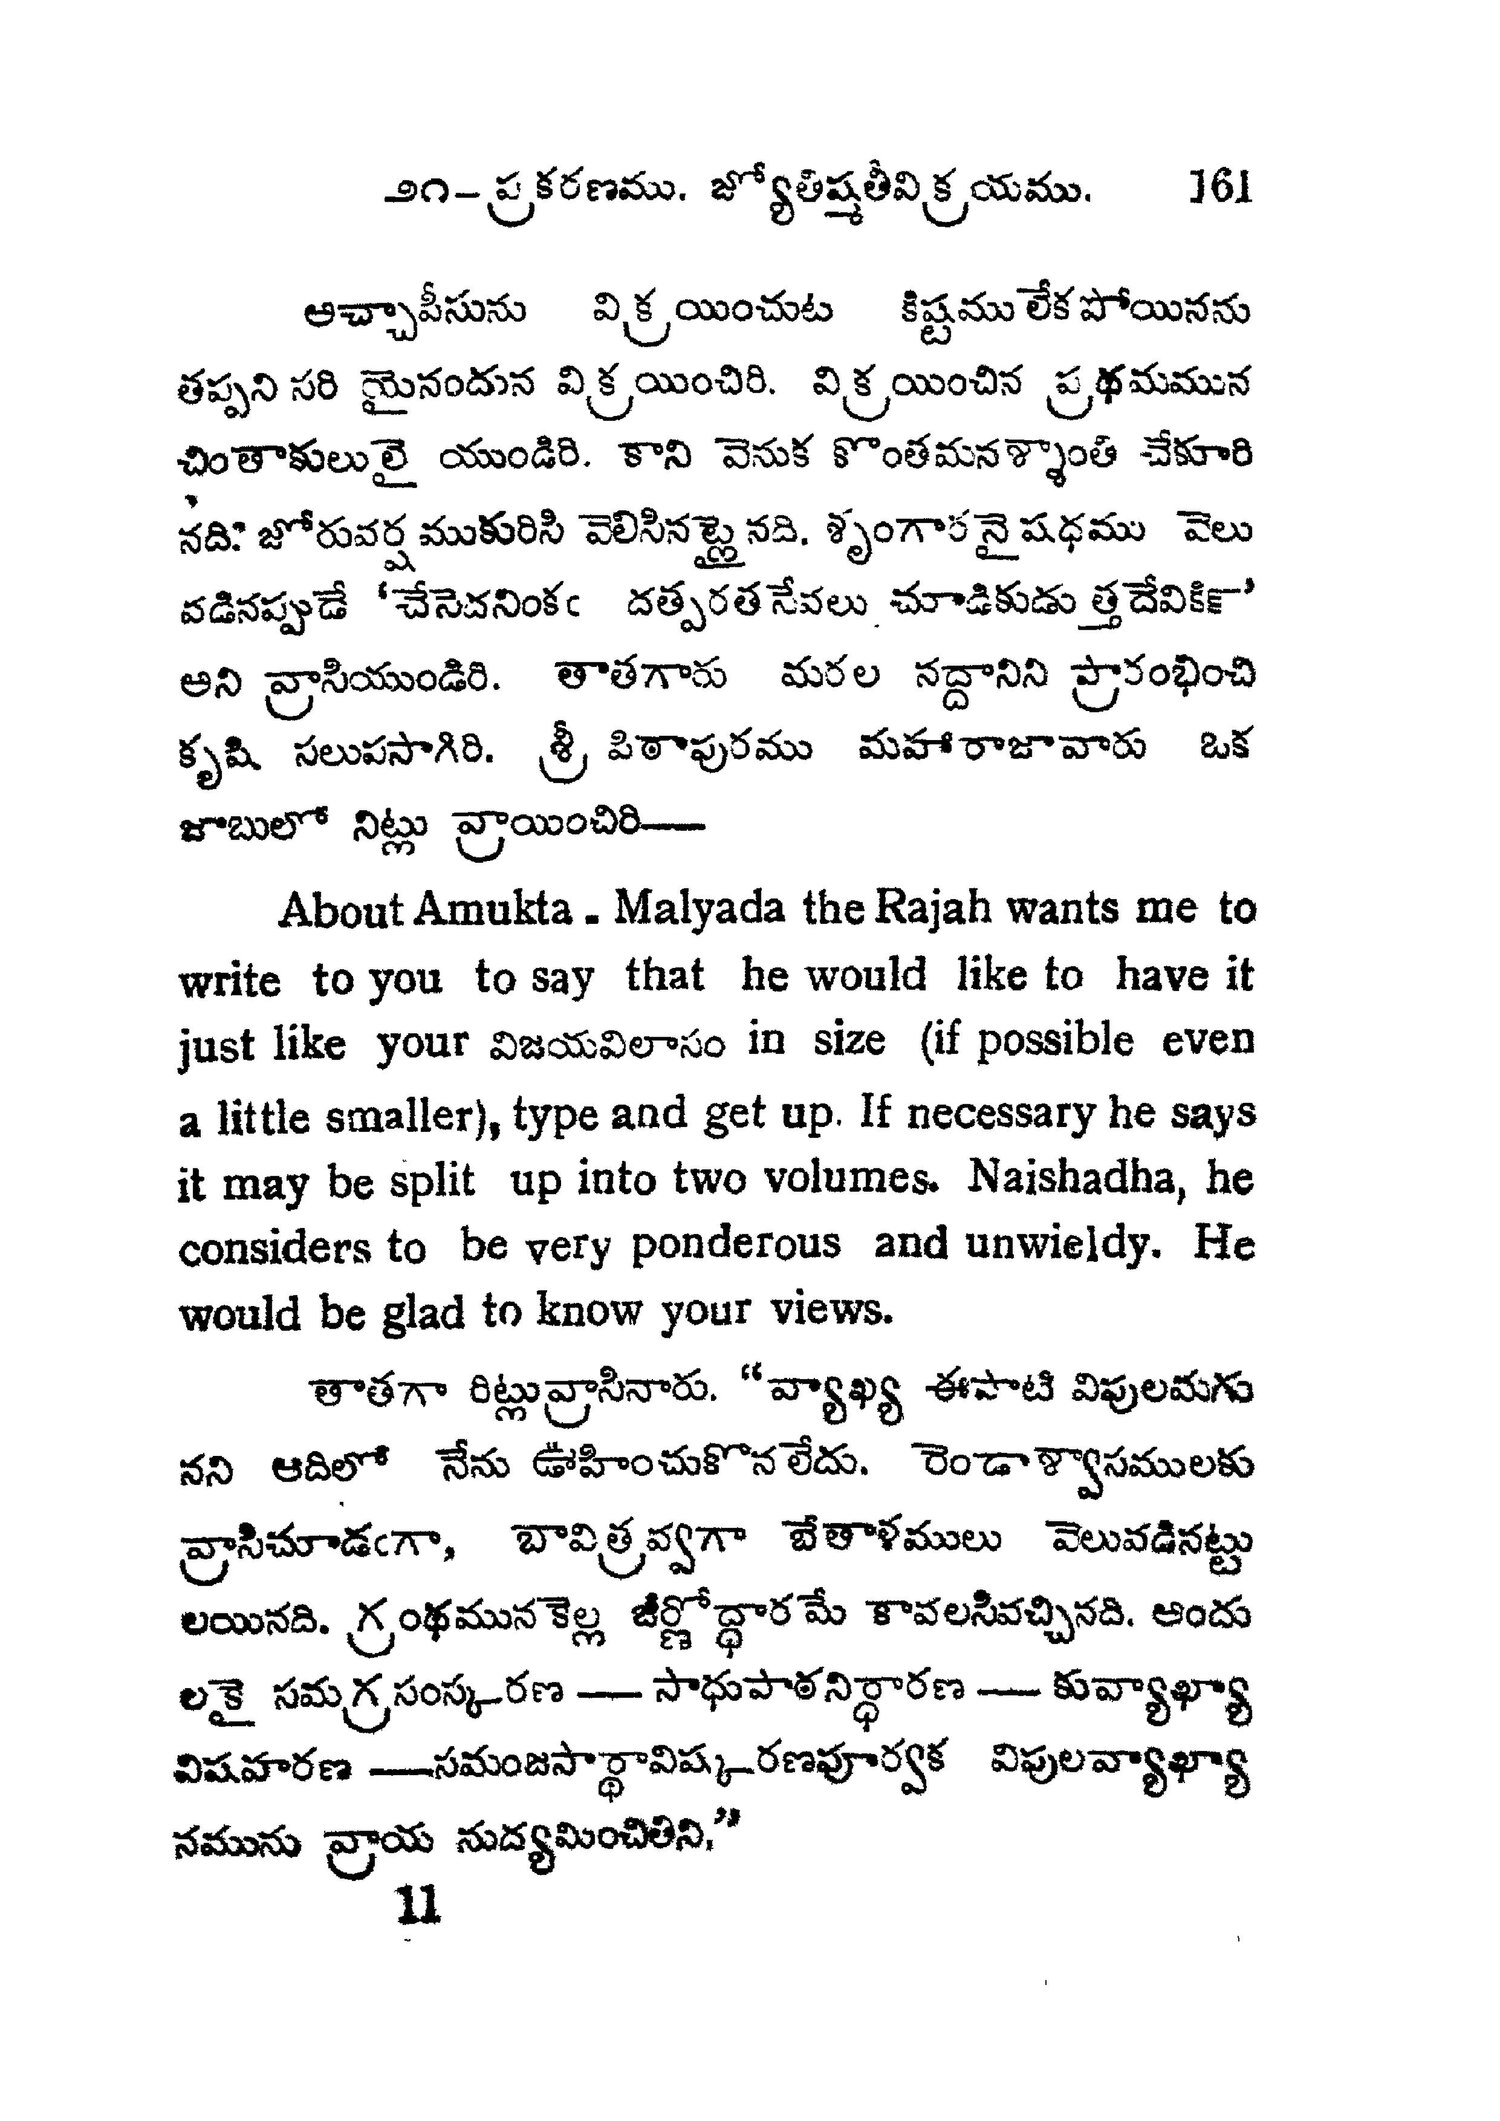అచ్చాపీసును విక్రయించుట కిష్టములేకపోయినను తప్పని సరి యైనందున విక్రయించిరి. విక్రయించిన ప్రథమమున చింతాకులులై యుండిరి. కాని వెనుక కొంతమనశ్శాంతి చేకూరినది. జోరువర్షముకురిసి వెలిసినట్లైనది. శృంగారనైషధము వెలువడినప్పుడే 'చేసెదనింక దత్పరతసేవలు చూడికుడుత్తదేవికిన్‌' అని వ్రాసియుండిరి. తాతగారు మరల నద్దానిని ప్రారంభించి కృషి సలుపసాగిరి. శ్రీ పిఠాపురము మహారాజావారు ఒక జాబులో నిట్లు వ్రాయించిరి:-

About Amukta - Malyada the Rajah wants me to write to you to say that he would like to have it just like your విజయవిలాసం in size (if possible even a little smaller), type and get up. If necessary he says it may be split up into two volumes, Naishadha, he considers to be very ponderous and unwieldy. He would be glad know your views.

తాతగా రిట్లువ్రాసినారు. "వ్యాఖ్య ఈపాటి విపులమగునని ఆదిలో నేను ఊహించుకొనలేదు. రెండాశ్వాసములకు వ్రాసిచూడగా, బావిత్రవ్వగా బేతాళములు వెలువడినట్టులయినది. గ్రంథనకెల్ల జీర్ణోద్ధారమే కావలసివచ్చినది. అందులకై సమగ్రసంస్కరణ - సాధుపాఠనిర్ధారణ - కువ్యాఖ్యా విషహరణ - సమంజసార్థావిష్కరణపూర్వక విపులవ్యాఖ్యానమును వ్రాయ నుద్యమించితిని."